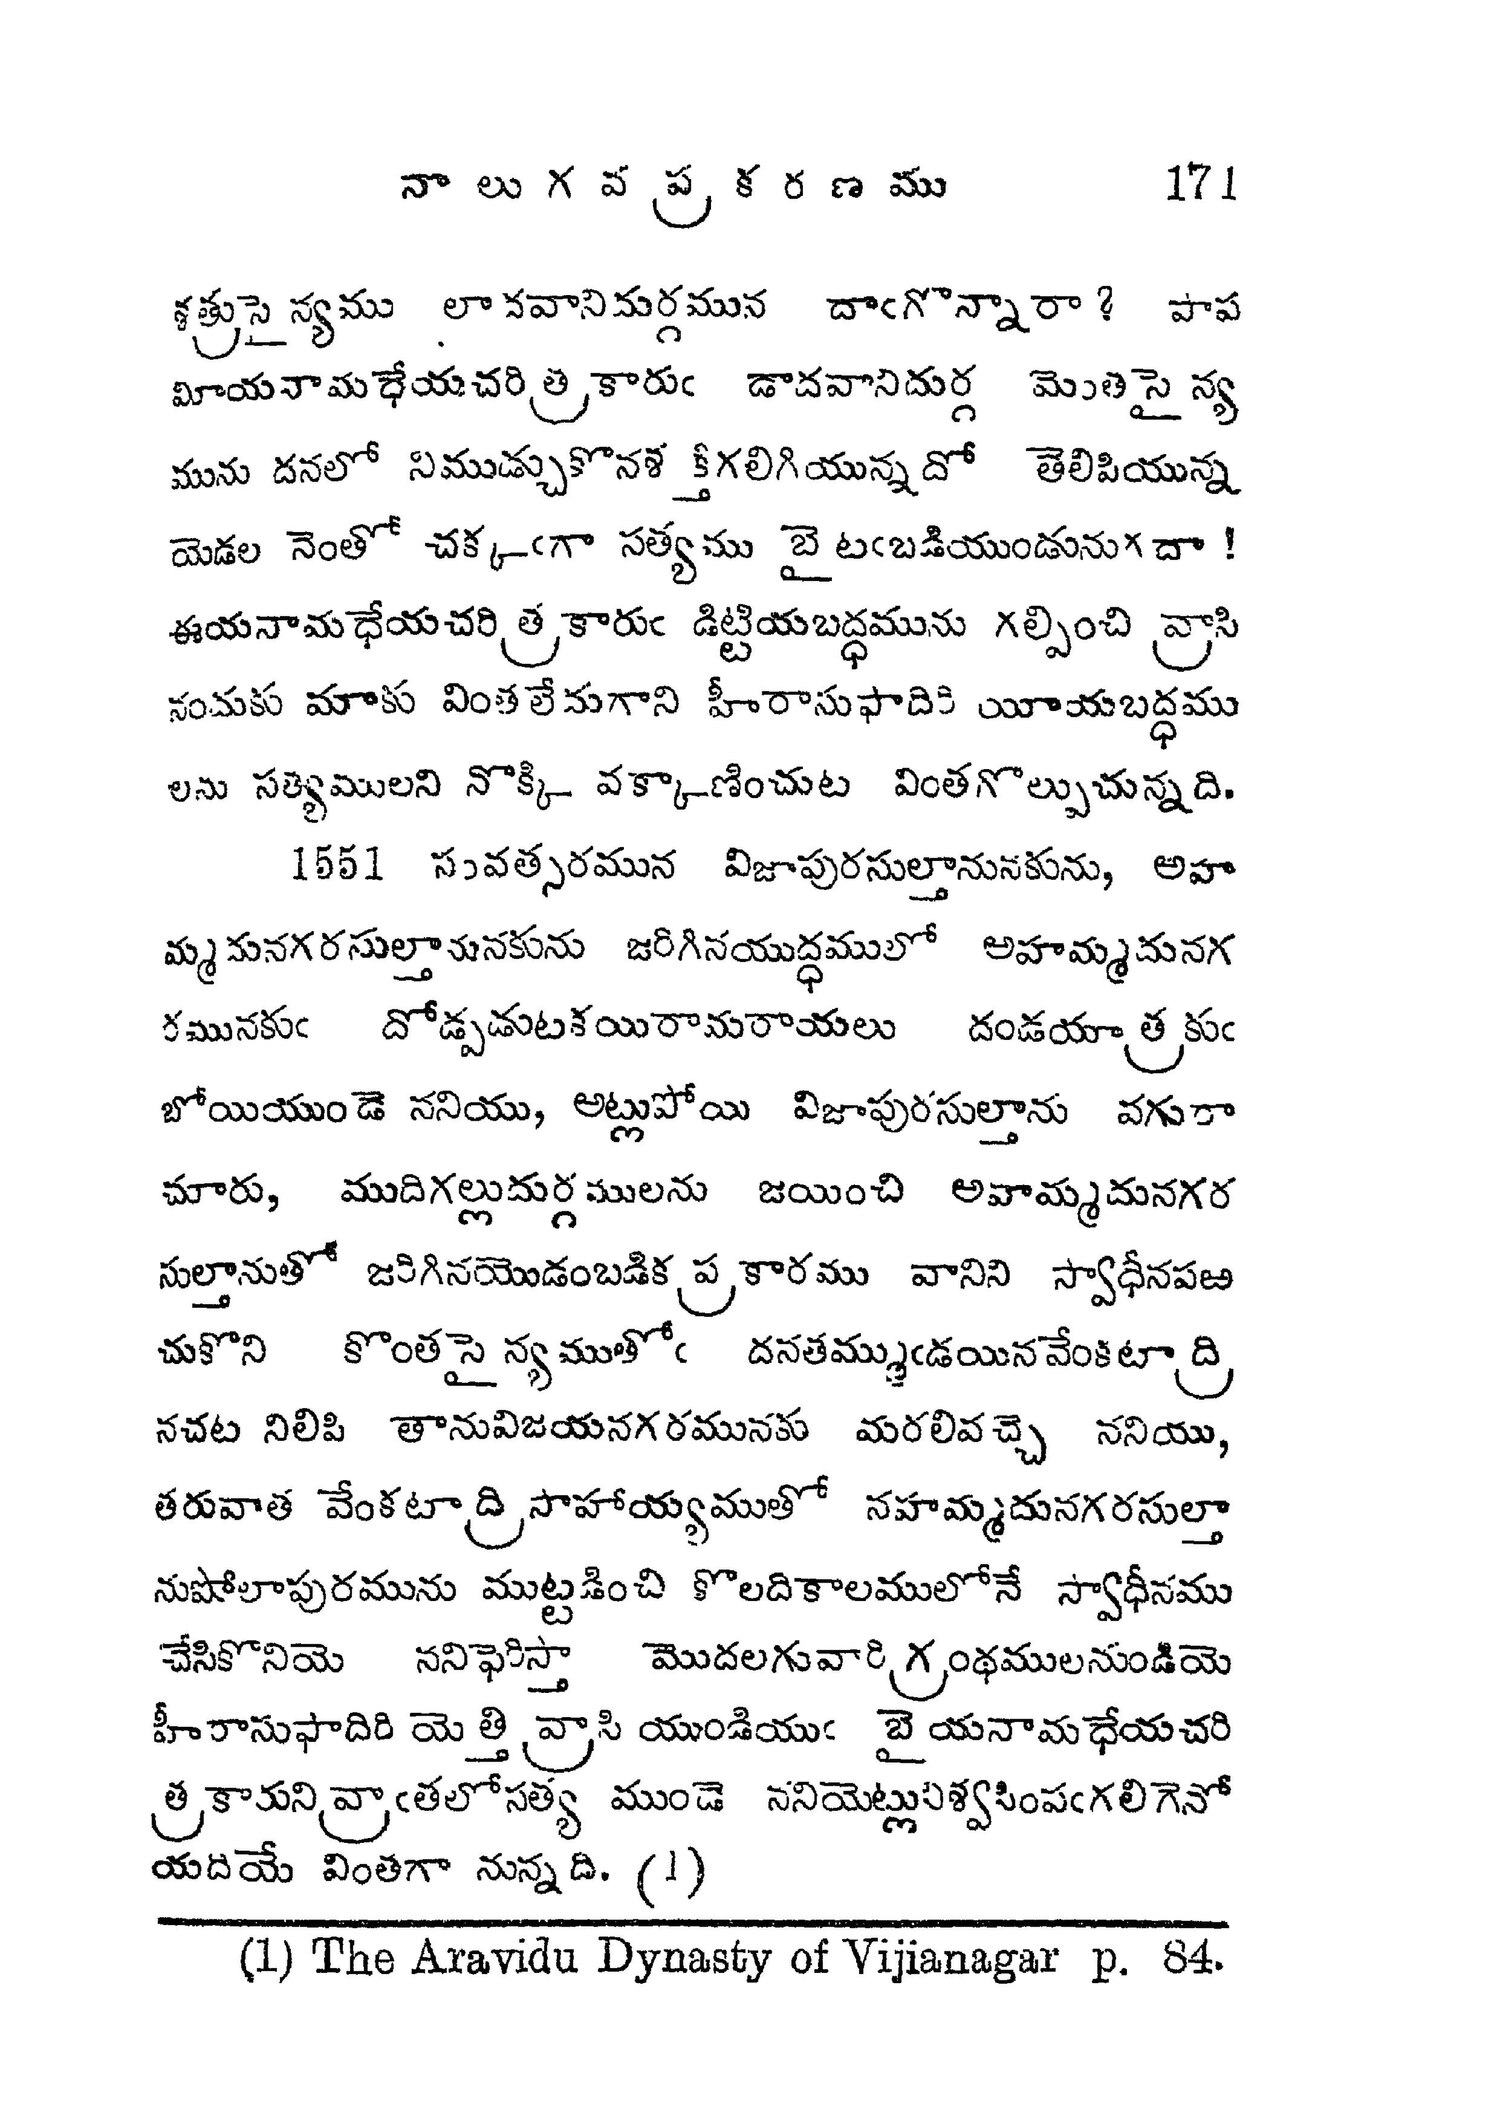శత్రుసైన్యము లాదవానిదుర్గమున దాగొన్నారా ? పాపమీయనామధేయచరిత్రకారు డాదవానిదుర్గ మెంతసైన్యమును దనలో నిముడ్చుకొనశక్తిగలిగియున్నదో తెలిపియున్నయెడల నెంతో చక్కగా సత్యము బైటబడియుండునుగదా ! ఈయనామధేయ చరిత్రకారు డిట్టియబద్ధమును గల్పించి వ్రాసినందుకు మాకు వింతలేదుగాని హీరాసుఫాదిరి యీయబద్ధములను సత్యములని నొక్కి వక్కాణించుట వింతగొల్పుచున్నది.

1551 సంవత్సరమున విజాపురసుల్తానునకును, అహమ్మదునగరసుల్తానునకును జరిగినయుద్ధములో అహమ్మదునగరమునకు దోడ్పడుటకయిరామరాయలు దండయాత్రకు బోయియుండె ననియు, అట్లుపోయి విజాపురసుల్తాను వగురాచూరు, ముదిగల్లుదుర్గములను జయించి అహమ్మదునగర సుల్తానుతో జరిగినయొడంబడిక ప్రకారము వానిని స్వాధీనపఱచుకొని కొంతసైన్యముతో దనతమ్ముడయిన వేంకటాద్రి నచట నిలిపి తాను విజయనగరమునకు మరలివచ్చి ననియు, తరువాత వేంకటాద్రి సాహాయ్యముతో నహమ్మదునగరసుల్తాను షోలాపురమును ముట్టడించి కొలదికాలములోనే స్వాధీనము చేసికొనియె ననిఫెరిస్తా మొదలగువారి గ్రంథములనుండియె హీరాసుఫాదిరి యెత్తి వ్రాసి యుండియు బైయనామధేయచరిత్రకారుని వ్రాతలోసత్య ముండె ననియెట్లు విశ్వసింపగలిగెనో యదియే వింతగా నున్నది.